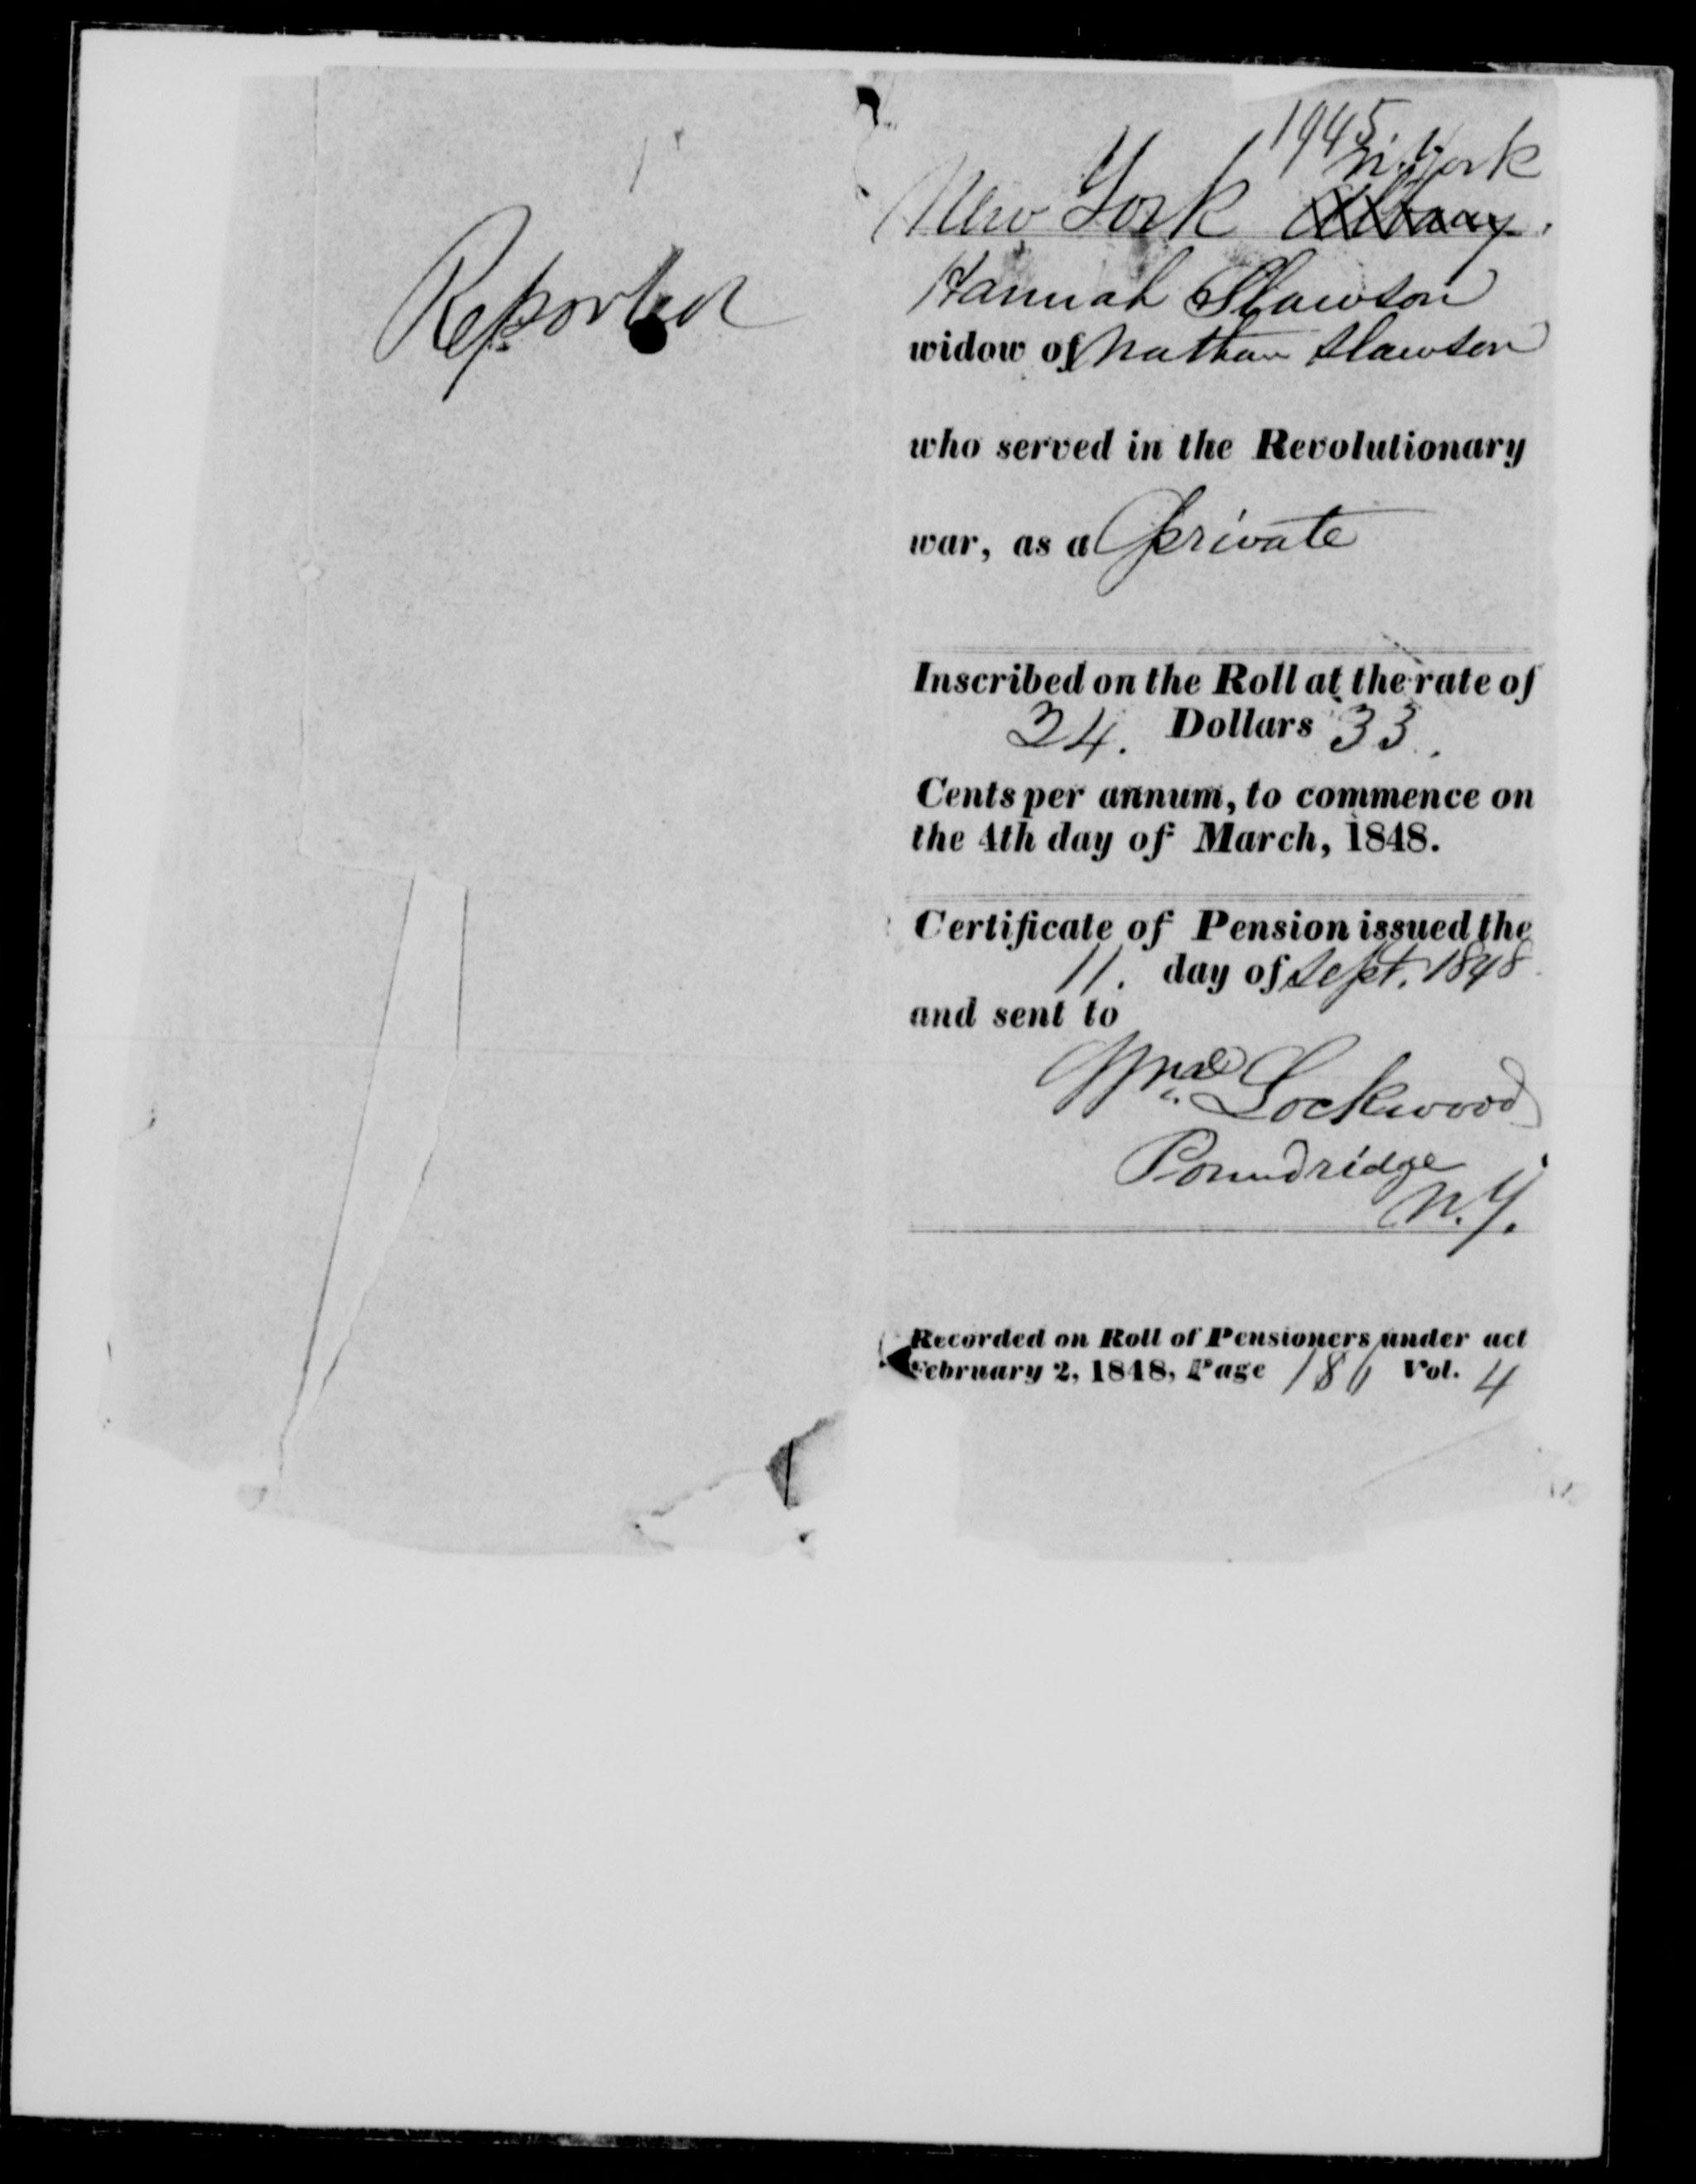Reported
New York 1445  N. York
Hannah Slawson 
widow of Nathan Slawson who served in the Revolutionary war , as a private 
Inscribed on the Roll at the rate of 34 Dollars 33 Cents per annum, to commence on the 4th day of March, 1848. 
Certificate of Pension issued the 11. day of Sept. 1848 and sent to Wm Lockwood Poundridge N. Y.  
Recorded on Roll of Pensioners under act February 2, 1848, Page 186 Vol. 4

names: Wm Lockwood; Hannah Slawson; Nathan Slawson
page: 29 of 87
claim: widow's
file: W. 22,226, for Nathan Slawson, Connecticut